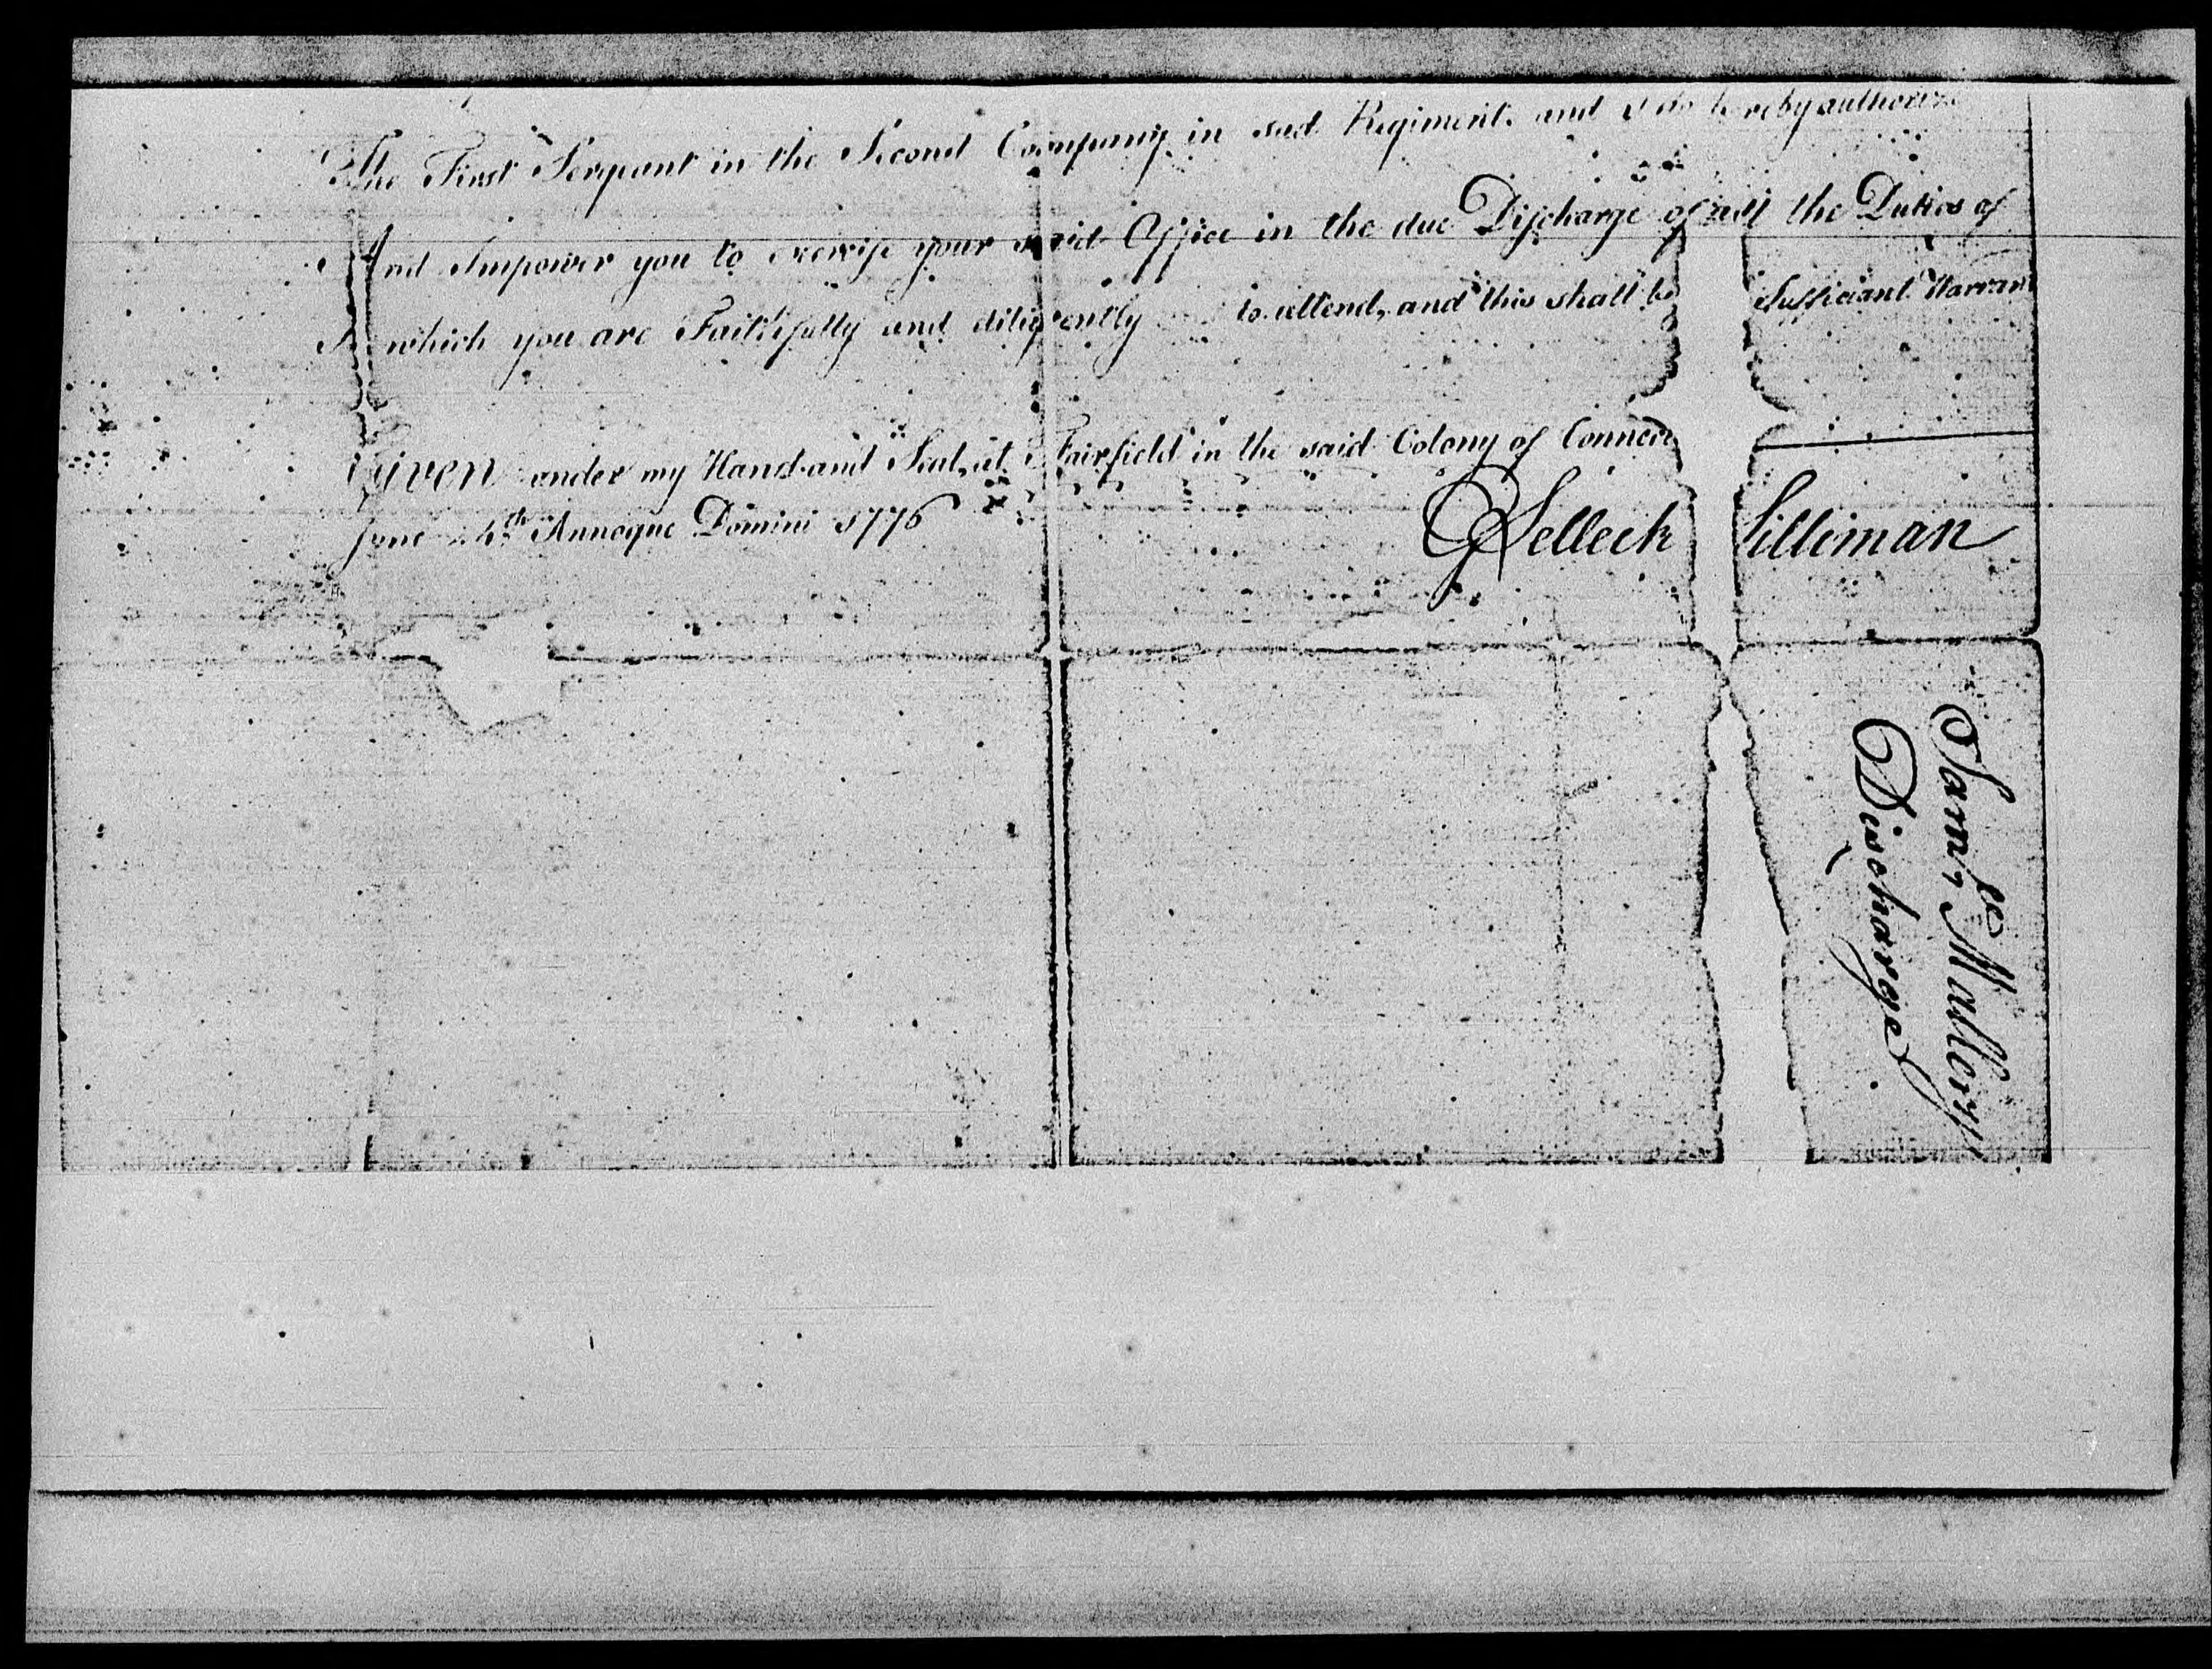The First Sergeant in the Second Company in said Regiment and I hereby authorize and impower you to exercise your said Office in the due Discharge of the duties of which you are faithfully and diligently to attend and this shall be [unreadable] Warrant
Given under my hand and Seal at Litchfield in the said Colony of Connecticut June 4th Anique Domini 1776 G. Selleck Silliman Sam’l Mallery Discharge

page: 13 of 29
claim: survivor's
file: S. 23,312, for Samuel Mallery, Connecticut